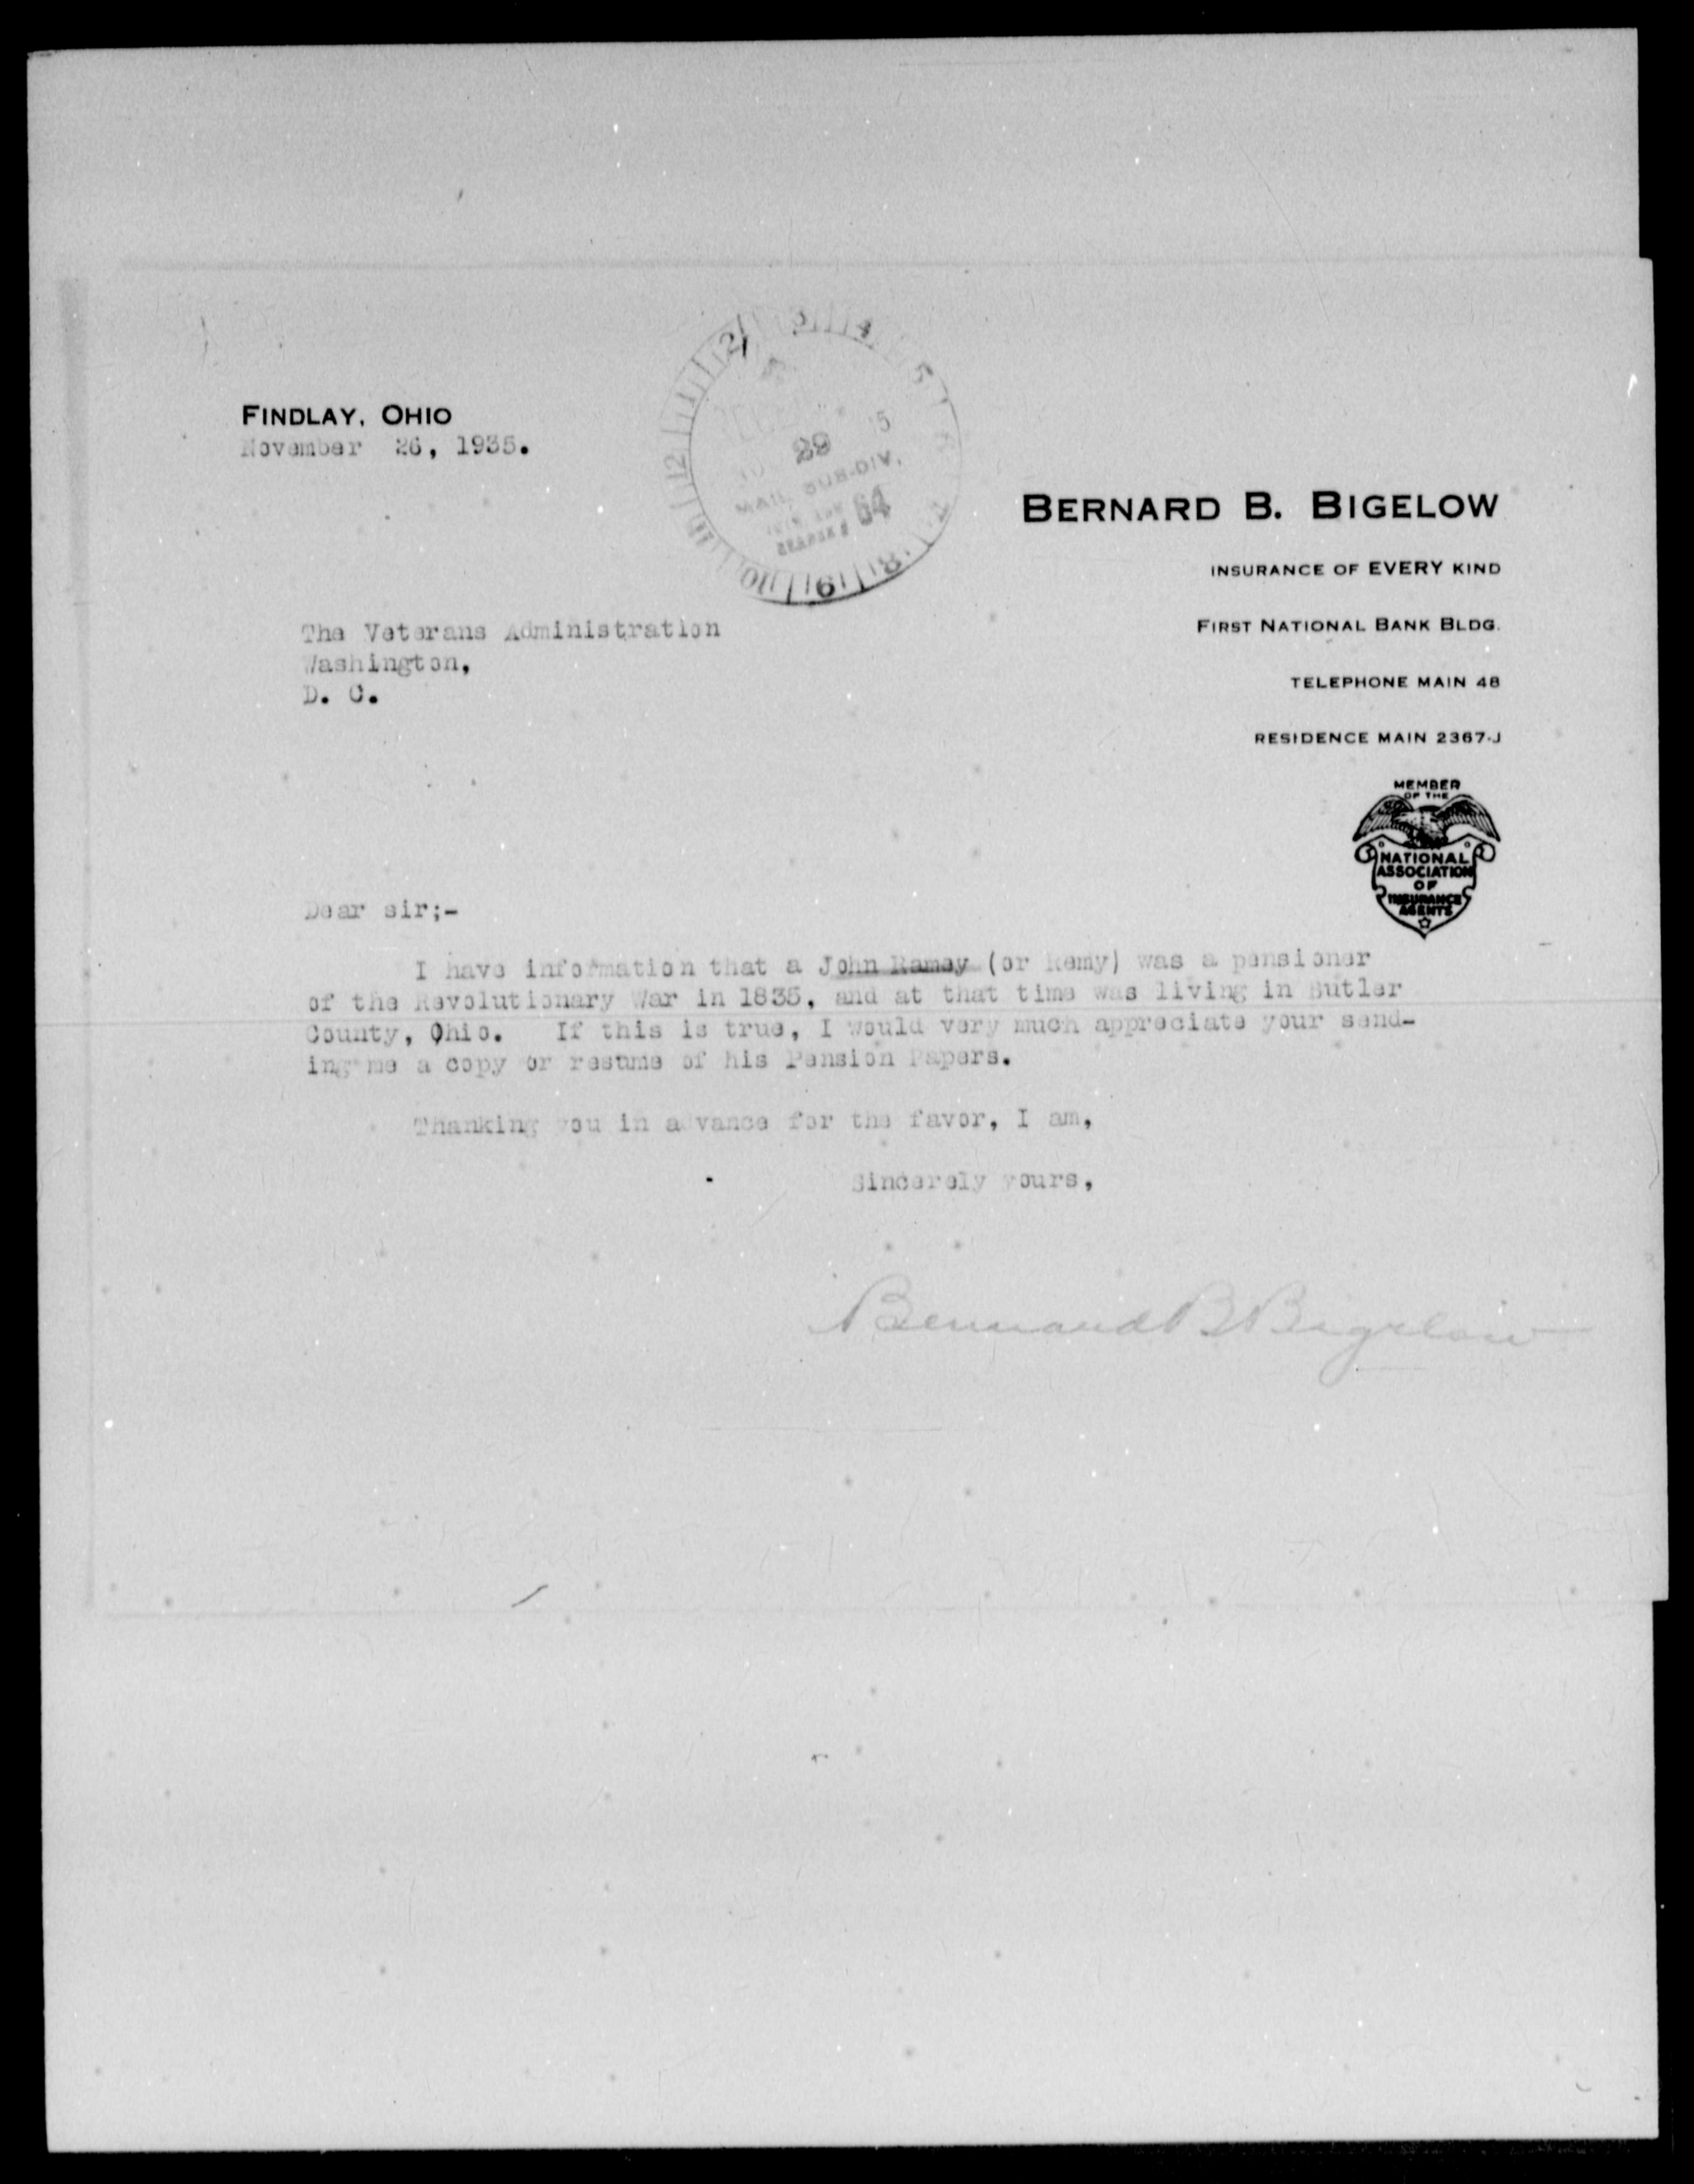FINDLAY, OHIO
November 26, 1935.
BERNARD B. BIGELOW
INSURANCE OF EVERY KIND
The Veterans Administration 
Washington, FIRST NATIONAL BANK BLDG.
D. C. TELEPHONE MAIN 46
RESIDENCE MAIN 2367-J
MEMBER OF THE NATIONAL ASSOCIATION OF INSURANCE AGENTS

Dear Sir;-
I have information that a John Ramay (or Remy) was a pensioner of the Revolutionary War in 1835, and at that time was living in Butler County, Ohio. If this is true, I would very much appreciate your sending me a copy or resume of his Penison Papers.
Thanking you in advance for the favor, I am,
Sincerely yours,
Bernard B Bigelow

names: John Ramey; Bennand B Bigelow; John Remy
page: 55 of 84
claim: widow's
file: W.11104, for John Remay, Virginia